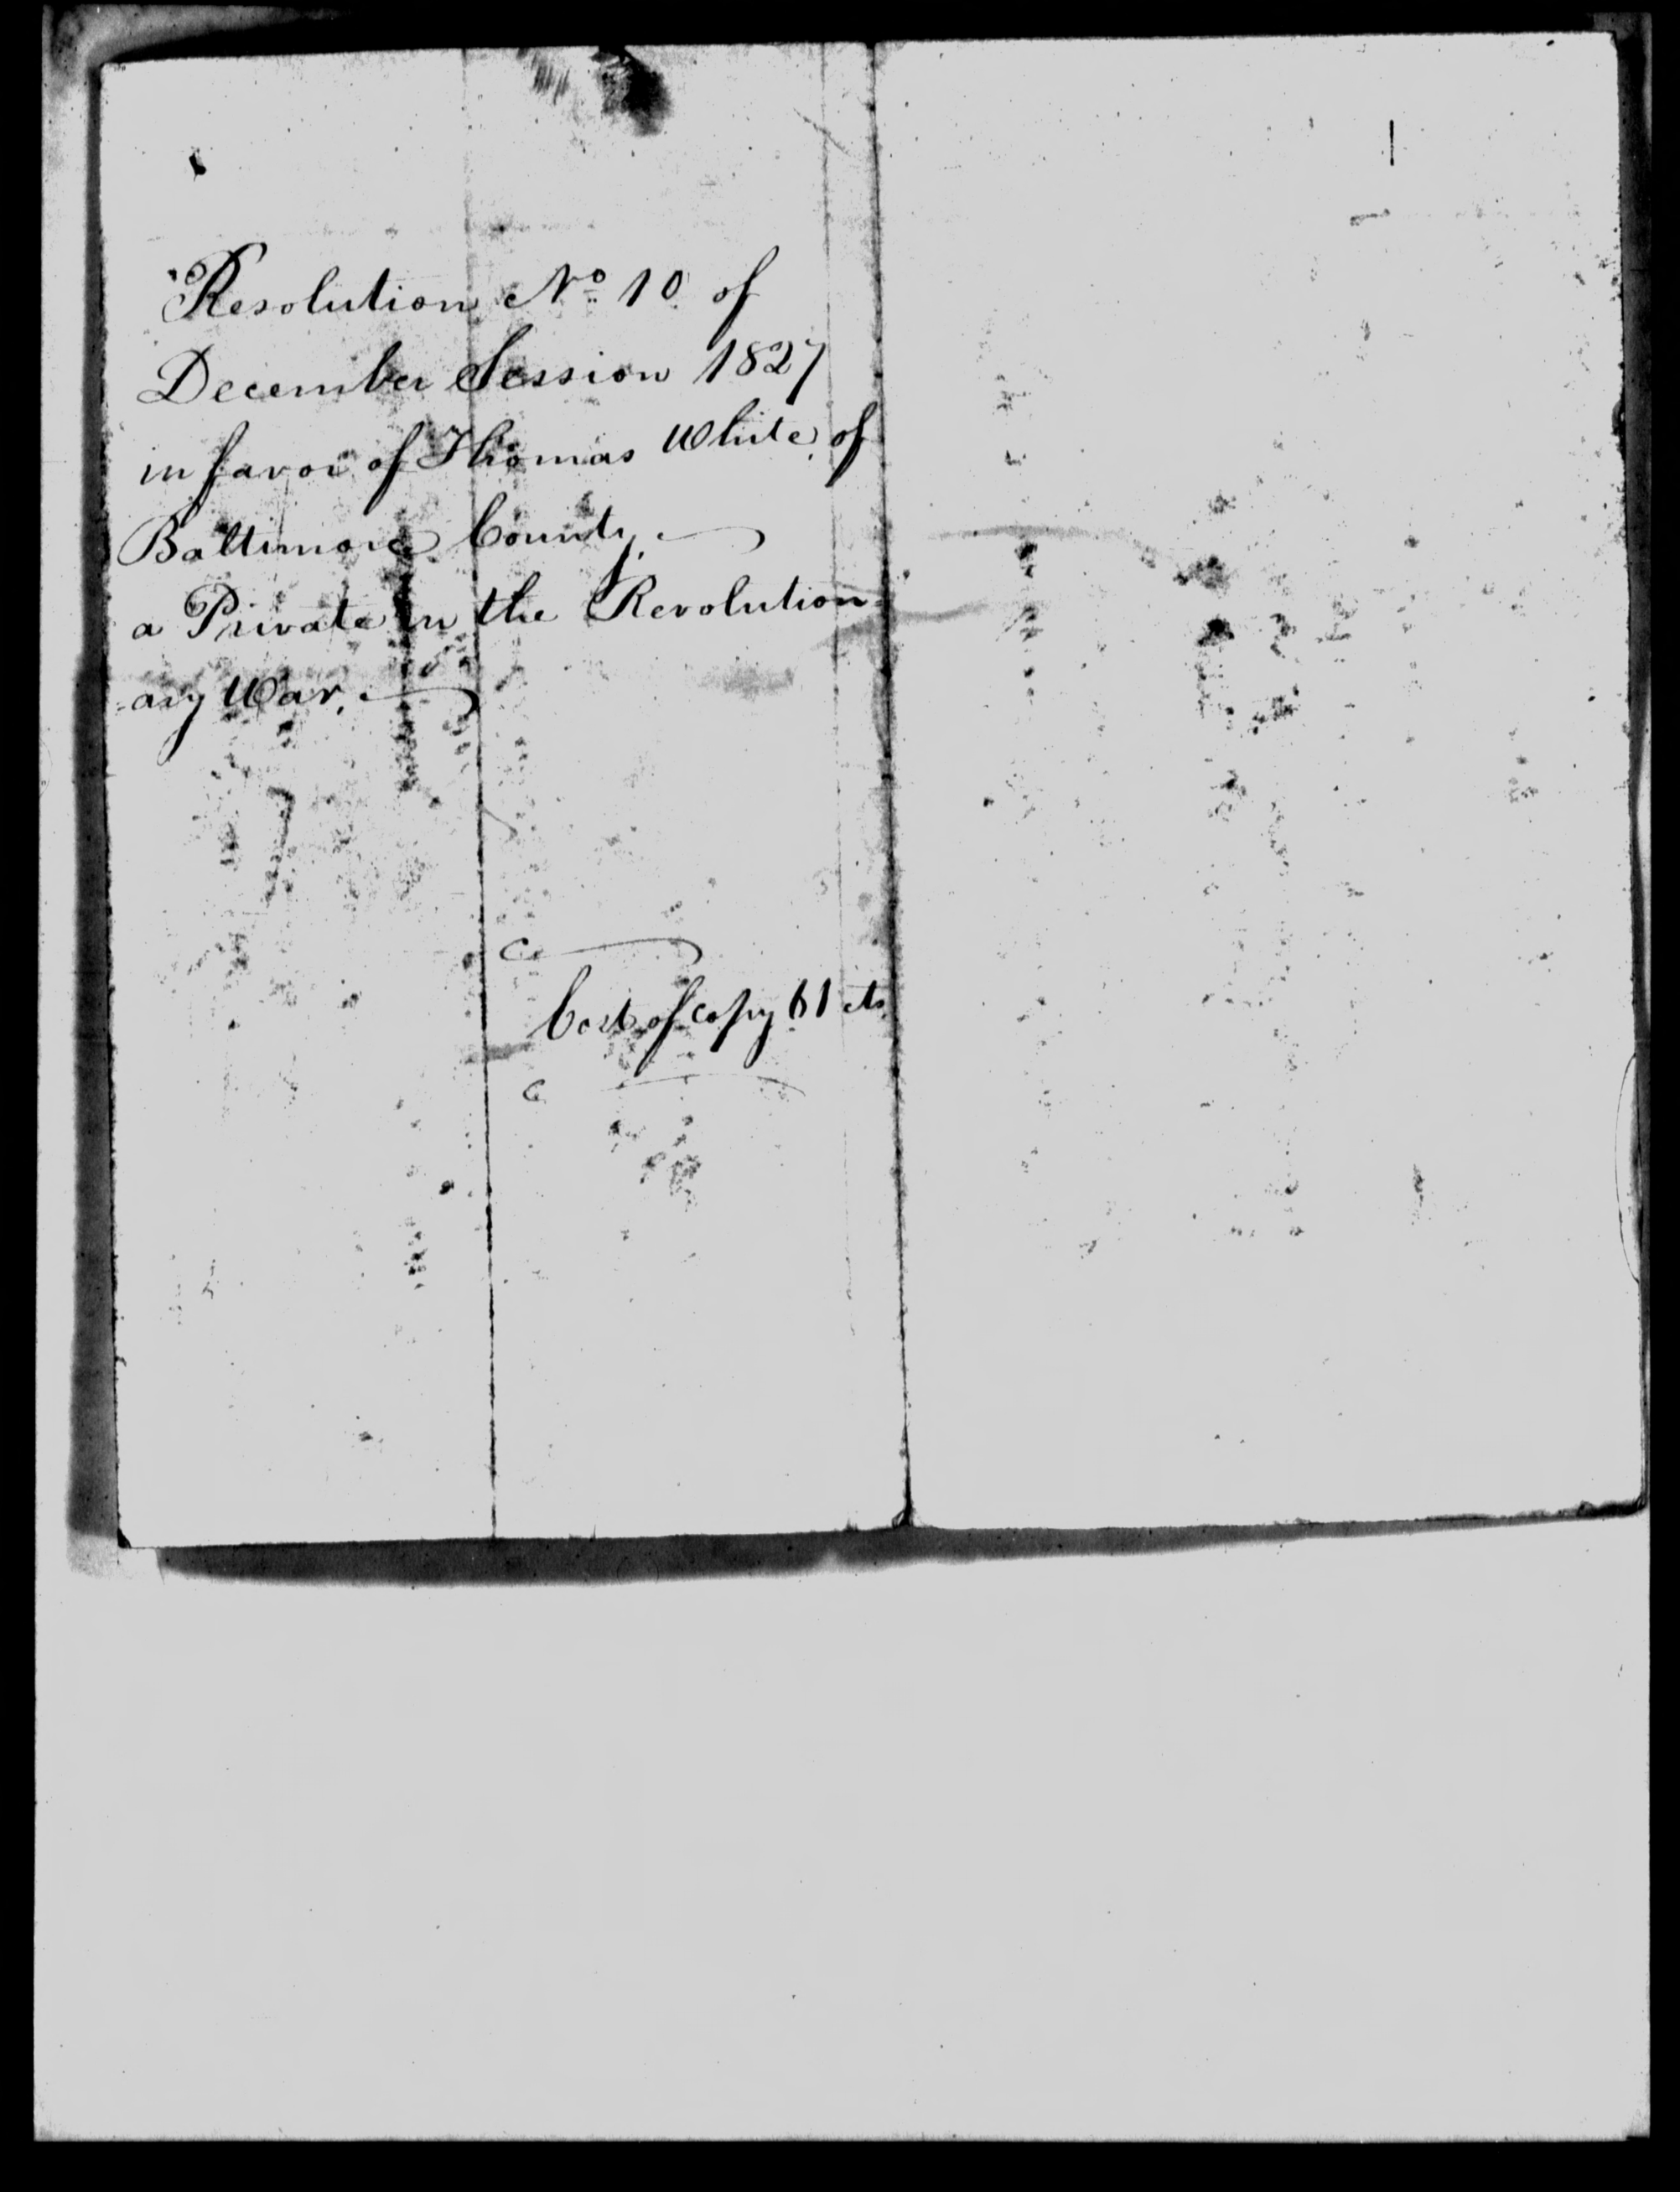Resolution No. 10 of December Session 1827 in favor of Thomas White of Baltimore County ~
a Private in the Revolutionary War ~

Cost of copy 61 cts [cents]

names: Thomas White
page: 12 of 43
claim: survivor's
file: S. 15240, Thomas White, Md.